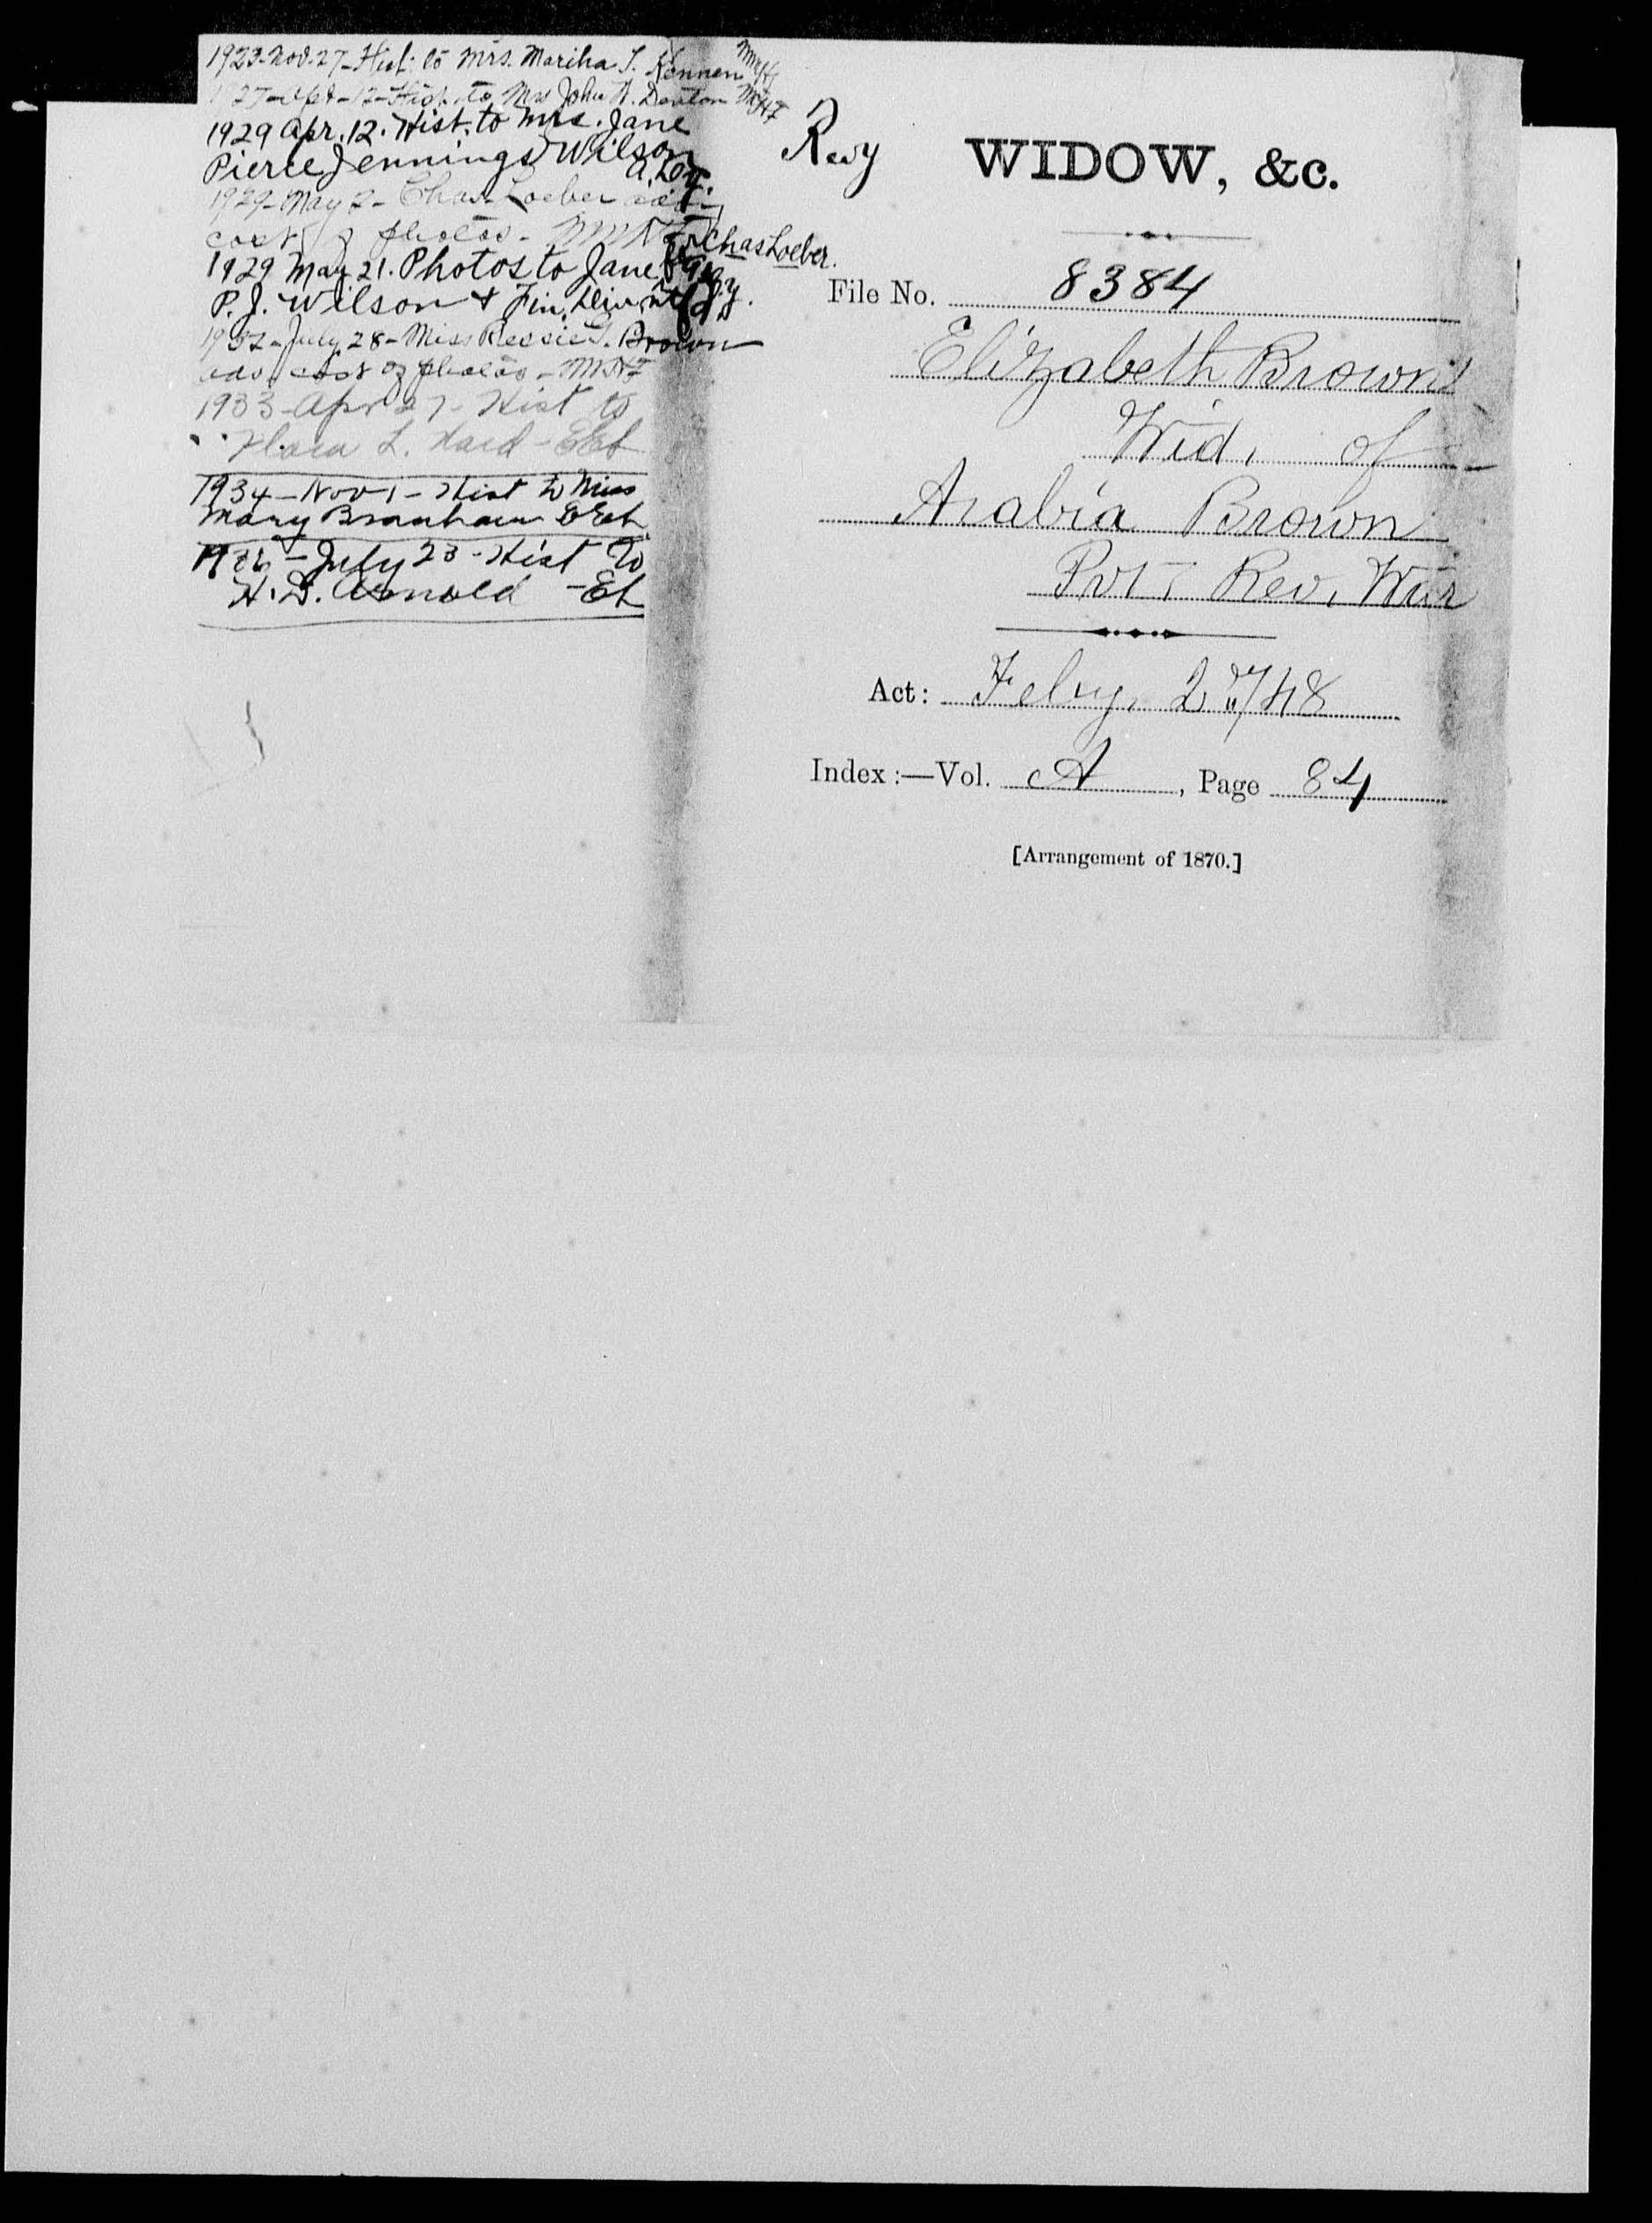Rwy  WIDOW, & c.

File No. 8384

Elizabeth Brown
Wid. of
Arabia Brown
Pvt 7 Rev. War

Act:  Febry 2, 48

Index: --- Vol. A, Page 84

(Arrangement of 1870.)


Handwritten notes on left side of page:

1923-Nov 27  Hist to Mrs. Mariha L Kennan
(unreadable)------ to Mrs. Joh N Denton
1929 Apr 12 His to Mrs. Jane
Pierce Jennings Wilson
1929 May 2- Chas Loeber
sort of fl  Mrs. Chas Loeber
1929 May 21 Phots to Jane
PJ Wilson & Fin Di-----
1932 July 28 Miss Bessie Brown
add cost of pl---
1933 April 27 Hist to 
Flora L Haid. EEF

1934 Nov 1 Hist to Miss
Mary Branham   ERH

1936 July 23 Hist to
H.D. Arnold EL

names: Flora L Ward, H D Arnold, Mary Branham, Chas Loeber, Bessie G Brown, Fin Divon, Jane P J Wilson, Martha T Kennen, Jane Pierce Jennings Wilson, Chas Loeber, Elizabeth Brown, John W Denton, Arabia Brown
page: 50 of 65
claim: widow's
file: W. 8384, Arabia Brown, Va.